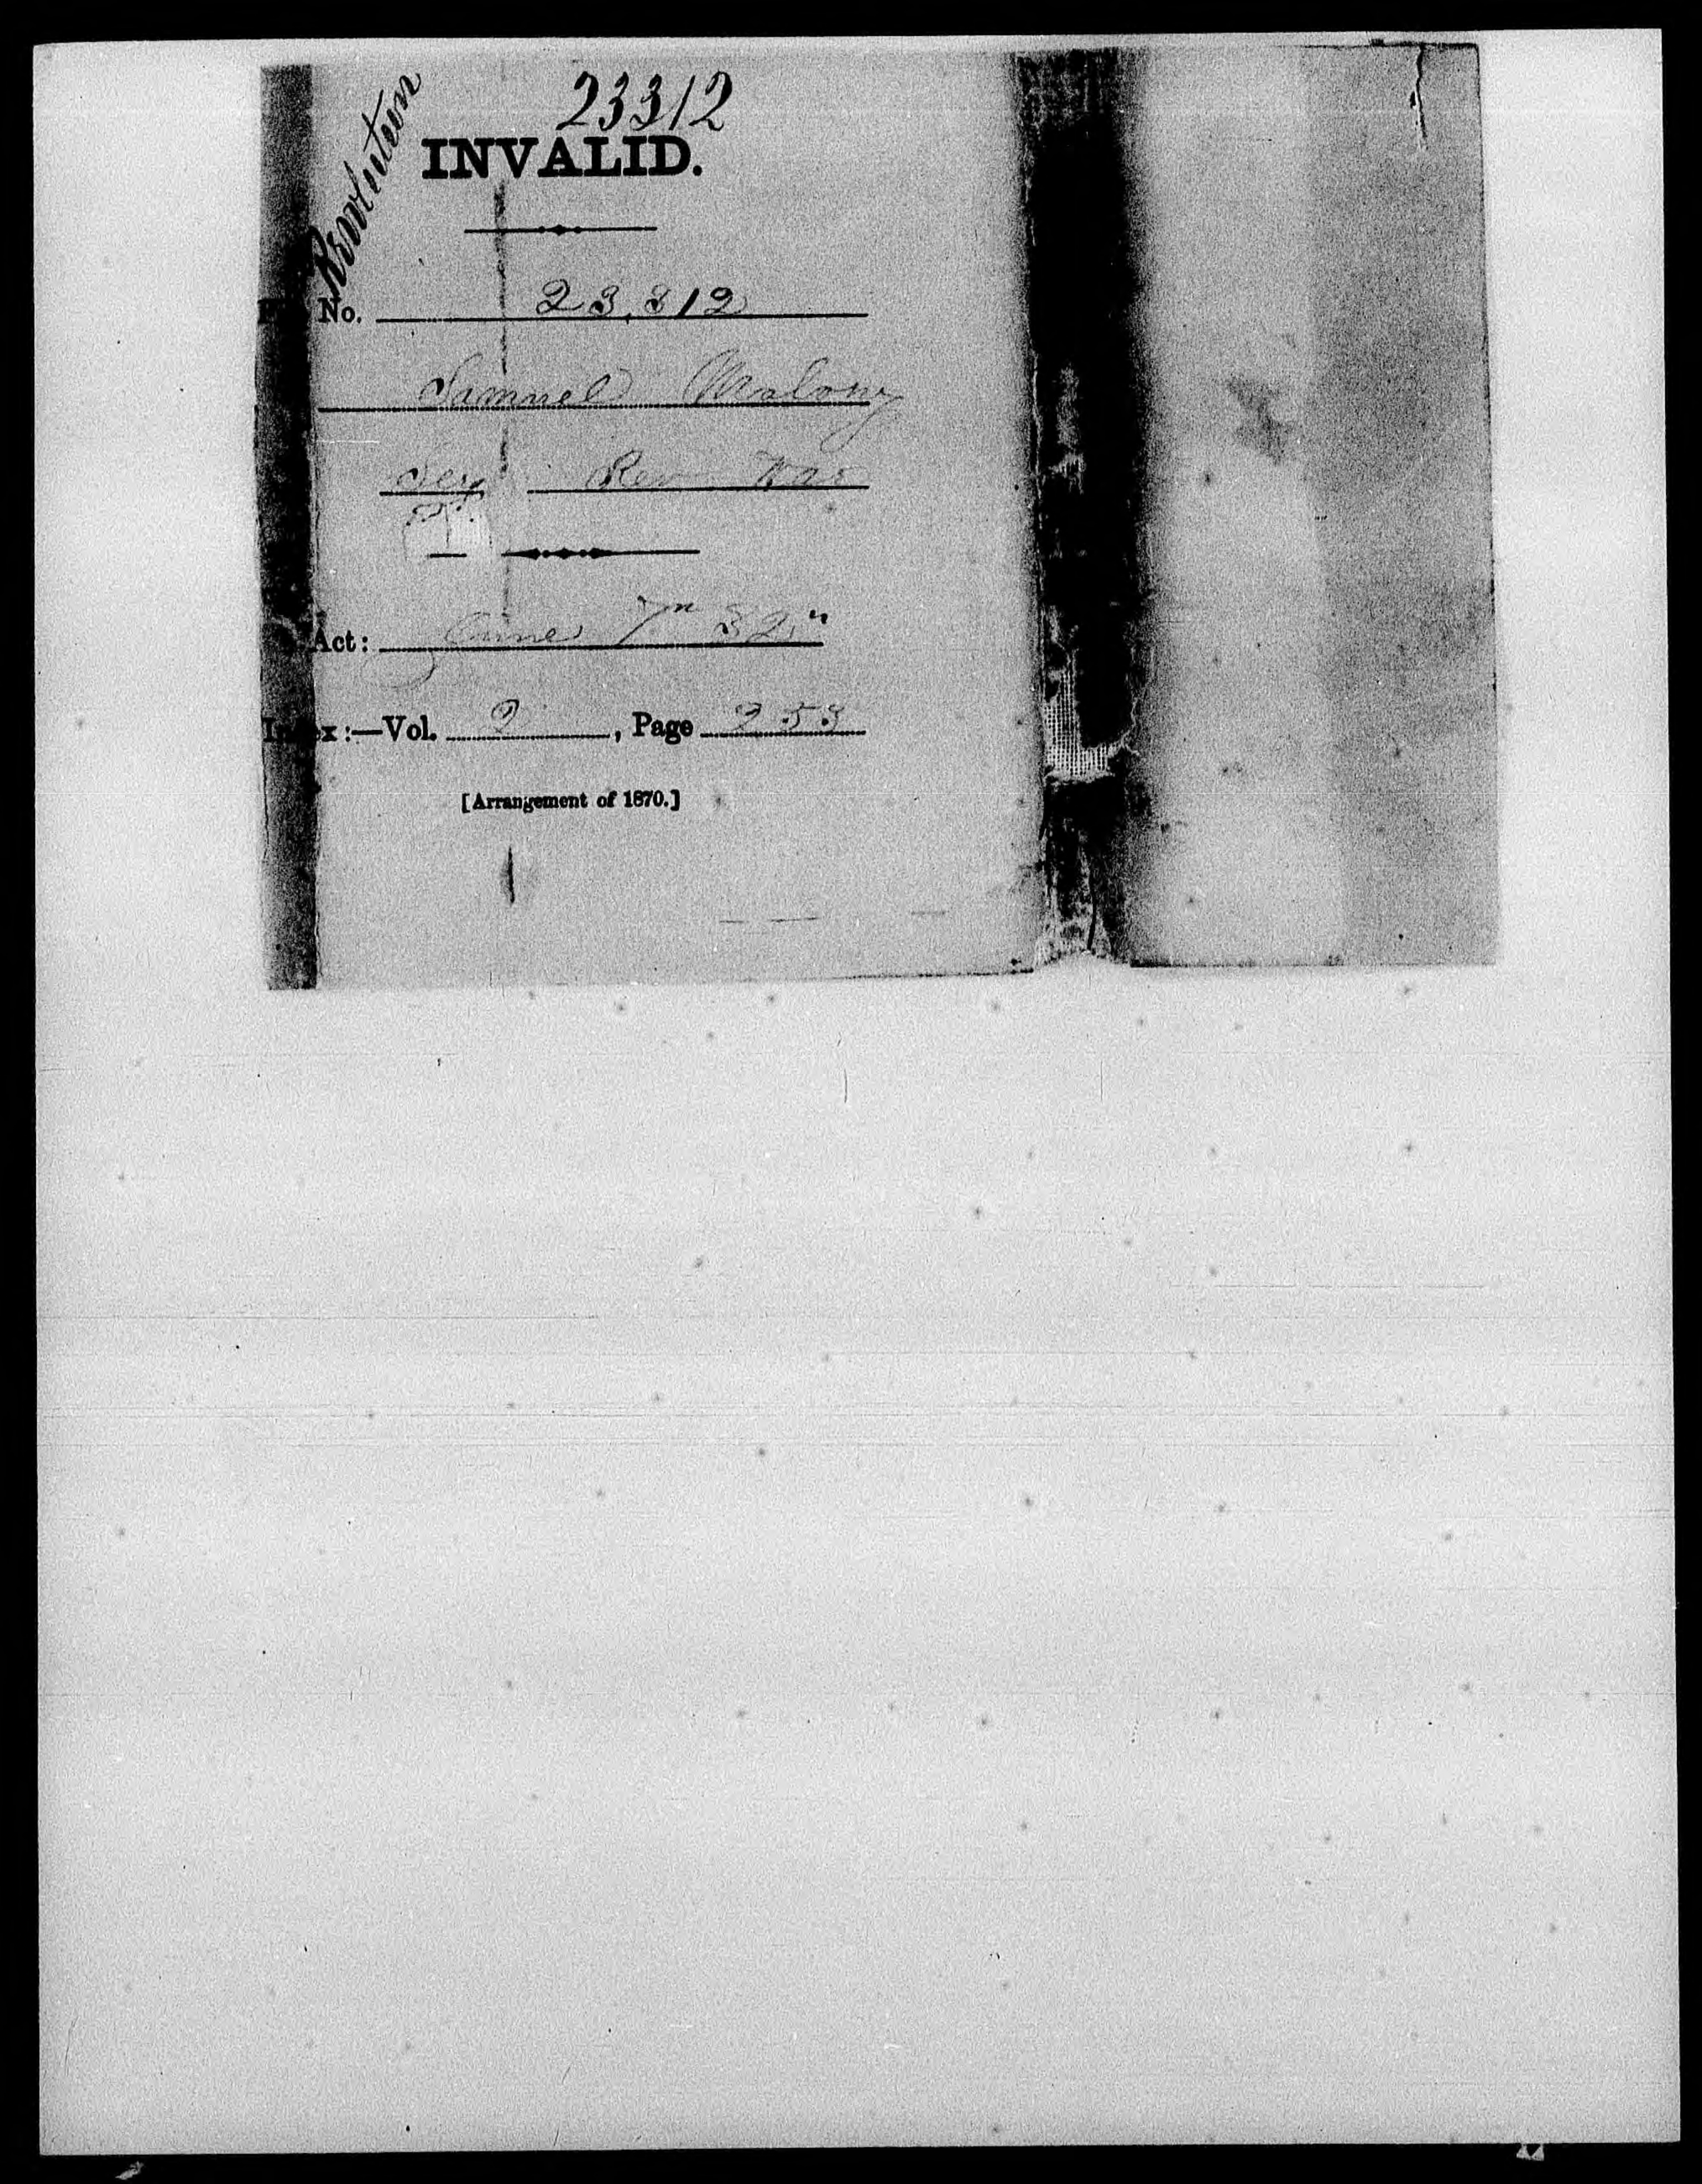Revolution
23312 
INVALID. 
No. 23,312
Samuel Malory
Serg’t Rev War
Act: June 7” 32”
Index:- Vol 2 Page 253
[Arrangement 1870.]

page: 9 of 29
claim: survivor's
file: S. 23,312, for Samuel Mallery, Connecticut